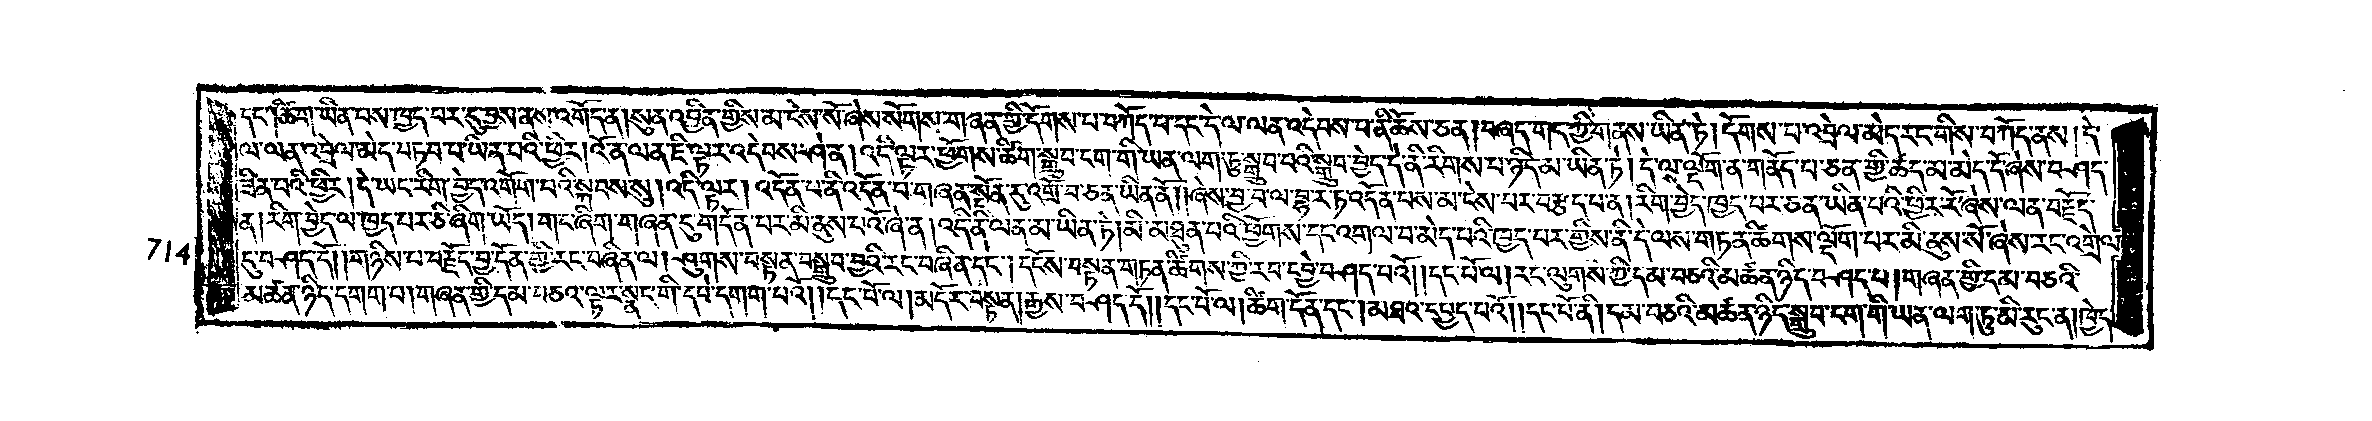དང་། ཚིག་ཡིན་པས་ཁྱད་པར་དུ་བྱས་ནས་འགོད་ན། སུན་འབྱིན་གྱིས་མ་ངེས་སོ་ཞེས་སོགས་གཞན་གྱི་དོགས་པ་བཀོད་པ་དང་དེ་ལ་ལན་འདེབས་པ་ནི་ཆོས་ཅན། བཞད་གང་ཀྱི་གནས་ཡིན་ཏེ། དོགས་པ་འབྲེལ་མེད་རང་གིས་བཀོད་ནས། དེ་
ལ་ལན་འབྲེལ་མེད་བཏབ་པ་ཡིན་པའི་ཕྱིར། འོ་ན་ལན་ཇི་ལྟར་འདེབས་ཤེ་ན། འདི་ལྟར་ཕྱོགས་ཚིག་སྒྲུབ་ངག་གི་ཡན་ལག་ཏུ་སྒྲུབ་པའི་སྒྲུབ་བྱེད་དེ་ནི་རིགས་པ་ཉིད་མ་ཡིན་ཏེ། དེ་ལས་ལྡོག་ན་གནོད་པ་ཅན་གྱི་ཚད་མ་མེད་དོ་ཞེས་བཤད་
ཟིན་པའི་ཕྱིར། དེ་ཡང་རིག་བྱེད་འགོག་པའི་སྐབས་སུ། འདི་ལྟར། འདོན་པ་ནི་འདོན་པ་གཞན་སྔོན་དུ་འགྲོ་བ་ཅན་ཡིན་ནོ། །ཞེས་བྱ་བ་ལ་བྷ་ར་ཏ་འདོན་པས་མ་ངེས་པར་བརྩད་པ་ན། རིག་བྱེད་ཁྱད་པར་ཅན་ཡིན་པའི་ཕྱིར་རོ་ཞེས་ལན་བརྗོད་
ན། རིག་བྱེད་ལ་ཁྱད་པར་ཅི་ཞིག་ཡོད། གང་ཞིག་གཞན་དུ་གདོན་པར་མི་ནུས་པའོ་ཞེ་ན། འདི་ནི་ལན་མ་ཡིན་ཏེ། མི་མཐུན་པའི་ཕྱོགས་དང་འགལ་བ་མེད་པའི་ཁྱད་པར་གྱིས་ནི་དེ་ལས་གཏན་ཚིགས་ལྡོག་པར་མི་ནུས་སོ་ཞེས་རང་འགྲེལ་
དུ་བཤད་དོ། །གཉིས་པ་བརྗོད་བྱ་དོན་གྱི་རང་བཞིན་ལ། ཤུགས་བསྟན་བསྒྲུབ་བྱའི་རང་བཞིན་དང་། དངོས་བསྟན་གཏན་ཚིགས་ཀྱི་རབ་དབྱེ་བཤད་པའོ། །དང་པོ་ལ། རང་ལུགས་ཀྱི་དམ་བཅའི་མཚན་ཉིད་བཤད་པ། གཞན་གྱི་དམ་བཅའི་
མཚན་ཉིད་དགག་པ། གཞན་གྱི་དམ་བཅའ་ལྟར་སྣང་གི་དཔེ་དགག་པའོ། །དང་པོ་ལ། མདོར་བསྟན། རྒྱས་བཤད་དོ། །དང་པོ་ལ། ཚིག་དོན་དང་། མཐའ་དཔྱད་པའོ། །དང་པོ་ནི། དམ་བཅའི་མཚན་ཉིད་སྒྲུབ་ངག་གི་ཡན་ལག་ཏུ་མི་རུང་ན། ཁྱེད་